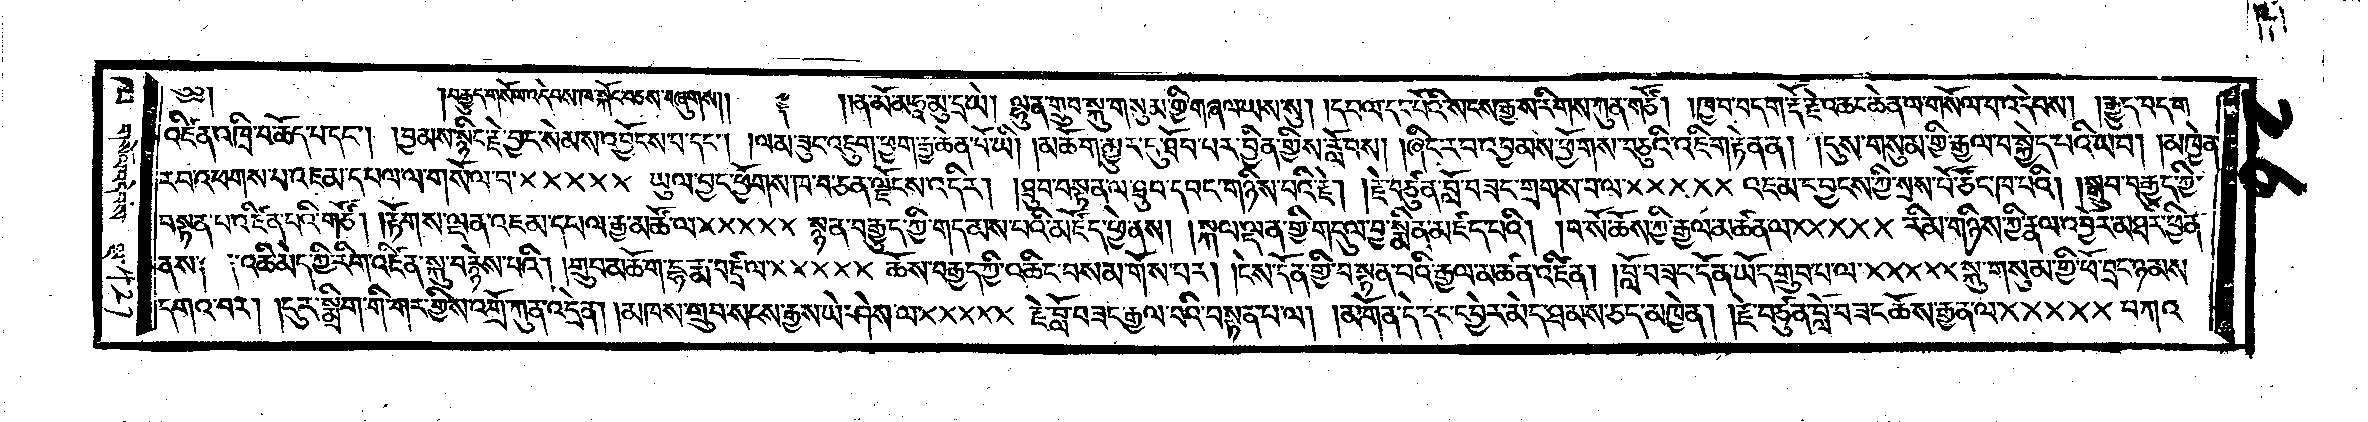༄༅། །བརྒྱུད་གསོལ་འདེབས་ཁ་སྐོང་བཅས་བཞུགས།།  ༈ །།ན་མོ་མཧཱ་མུ་དྲ་ཡེ། ལྷུན་གྲུབ་སྐུ་གསུམ་གྱི་གཞལ་ཡས་སུ། །དཔལ་དང་པོའི་སངས་རྒྱས་རིགས་ཀུན་གཙོ། །ཁྱབ་བདག་རྡོ་རྗེ་འཆང་ཆེན་ལ་གསོལ་བ་འདེབས། །རྒྱུད་བདག་
འཛིན་འཁྲི་བ་ཆོད་པ་དང་། །བྱམས་སྙིང་རྗེ་བྱང་སེམས་འབྱོང་བ་དང་། །ལམ་ཟུང་འཇུག་ཕྱག་རྒྱ་ཆེན་པོ་ཡི། །མཆོག་མྱུར་དུ་ཐོབ་པར་བྱིན་གྱིས་རློབས། །ཞིང་རབ་འབྱམས་ཕྱོགས་བཅུའི་འཇིགས་རྟེན་ན། །དུས་གསུམ་གྱི་རྒྱལ་བསྐྱེད་པའི་ཡབ། །མཁྱེན་
རབ་འཕགས་པ་འཇམ་དཔལ་ལ་གསོལ་བ་྾྾྾་ཡུལ་བྱང་ཕྱོགས་ཁ་བ་ཅན་ལྗོངས་འདིར། །ཐུབ་བསྟན་ལ་ཐུབ་དབང་གཉིས་པའི་རྗེ། །རྗེ་བཙུན་བློ་བཟང་གྲགས་པ་ལ་྾྾྾་འཇམ་དབྱངས་ཀྱི་སྲས་པོ་ཙོང་ཁ་པའི། །སྒྲུབ་བརྒྱུད་ཀྱི་
བསྟན་པ་འཛིན་པའི་གཙོ། །རྟོགས་ལྡན་འཇམ་དཔལ་རྒྱ་མཚོ་྾྾྾་ལ་སྙན་བརྒྱུད་ཀྱི་གདམས་པའི་མཛོད་ཕྱེ་ནས། །སྐལ་ལྡན་གྱི་གདུལ་བྱ་སྨིན་མཛད་པའི། །བ་སོ་ཆོས་ཀྱི་རྒྱལ་མཚན་ལ་྾྾྾་རིམ་གཉིས་ཀྱི་རྣལ་འབྱོར་མཐར་ཕྱིན་
ནས༑ ༑འཆི་མེད་ཀྱི་རིག་འཛིན་སྐུ་བརྙེས་པའི། །གྲུབ་མཆོག་དྷ་རྨ་བཛྲ་ལ་྾྾྾་ཆོས་བརྒྱད་ཀྱི་འཆིང་བསམ་གོས་པར། །ངེས་དོན་གྱི་བསྟན་པའི་རྒྱལ་མཚན་འཛིན། །བློ་བཟང་དོན་ཡོད་གྲུབ་པ་ལ་སྐུ་གསུམ་གྱི་ཕོ་བྲང་ཉམས་
དགའ་བར། །དུར་སྨྲིག་གི་གར་གྱིས་འགྲོ་ཀུན་འདྲེན། །མཁས་གྲུབ་སངས་རྒྱས་ཡེ་ཤེས་྾྾྾་ལ་རྗེ་བློ་བཟང་རྒྱལ་བའི་བསྟན་པ་ལ། །མགོན་དེ་དང་དབྱེར་མེད་ཐམས་ཅད་མཁྱེན། །རྗེ་བཙུན་བློ་བཟང་ཆོས་རྒྱན་ལ་བཀའ་